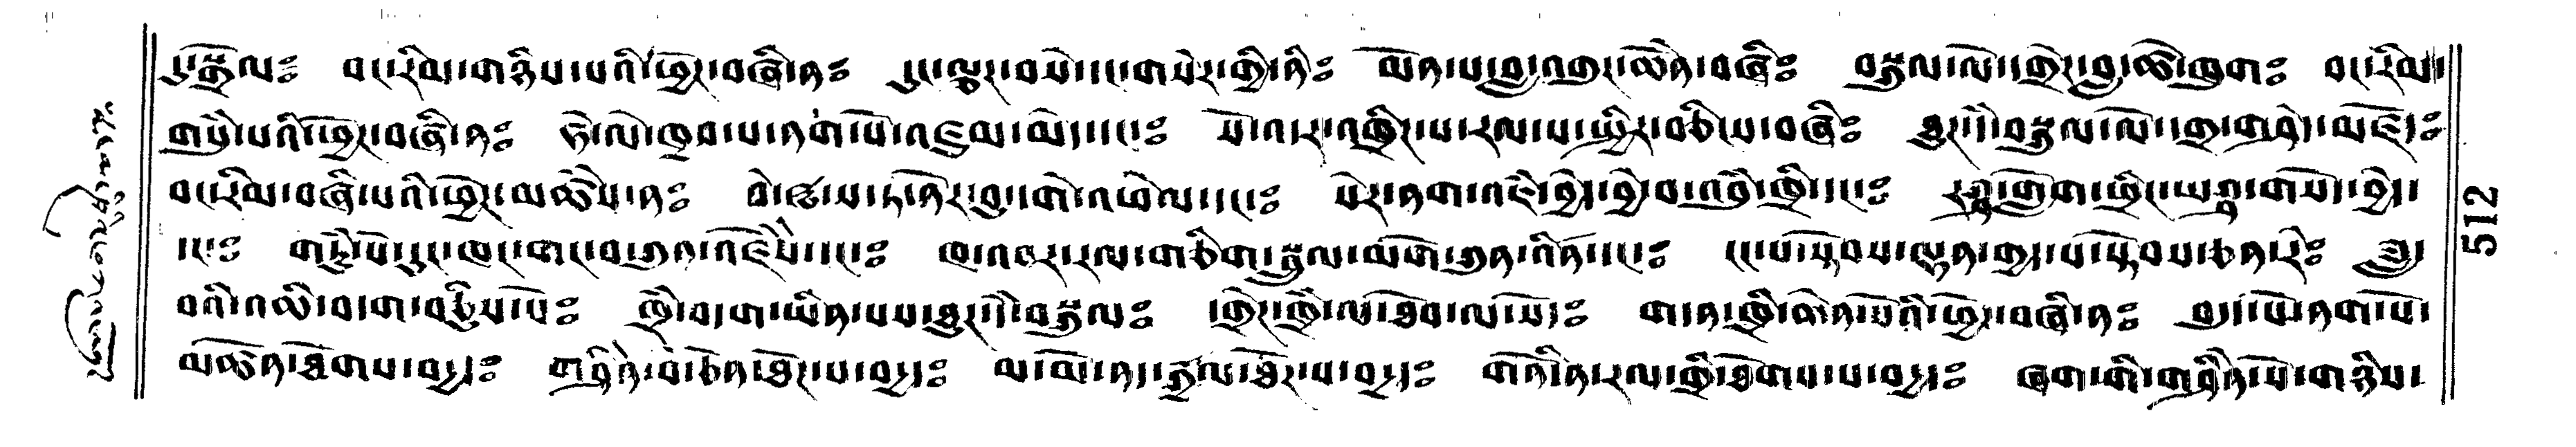དུ་སྒྲོལ༔ བང་རིམ་གཉིས་པའི་ཕྱོགས་བཞི་ནི༔ དུང་ལྕགས་བསེ་དང་གསེར་གྱི་ནི༔ མོན་པ་བླ་འགུགས་ཆེན་པོ་བཞི༔ སྐུལ་ལོ་དགྲ་བགེགས་བླ་ཚེ་ཁུག༔ བང་རིམ་
གསུམ་པའི་ཕྱོགས་བཞི་ན༔ ཧེ་ལེ་ཁྲབ་པ་ནག་པོ་འཛུམ་མེད་དང༔ སོ་འདར་འཁྲིགས་པ་རལ་པ་སྤྱིར་བཅིངས་བཞི༔ ཐུགས་དམ་སྐུལ་ལོ་དགྲ་གཤེད་མཛོད༔ 
བང་རིམ་བཞི་པའི་ཕྱོགས་མཚམས་ན༔ བེ་ཝ་ས་ཏ་ནོར་བུ་དགེ་འཕེལ་དང༔ སེར་ནག་འཇོམས་བྱེད་བྱེ་བ་འབུམ་ཁྲི་དང༔ རཀྴ་གློག་ཕྲེང་ཡཀྴ་གསོད་བྱེད་
དང༔ གཏུམ་པོ་དུང་ཁང་གང་བ་ཀུན་འཛོམས་དང༔ ཁ་འབར་རལ་གཅིག་སྦྲུལ་མགོ་ཀུན་འཛིན་དང༔ ངང་པ་སྟོབས་ལྡན་གྱད་པ་སྟོབས་ཅན་རེ༔ ཟླ་
བའི་འཆི་བདག་བཅུ་གཉིས་སོ༔ ཁྲམ་བདག་ཡིན་པས་ཐུགས་དམ་སྐུལ༔ དགྲ་བགེགས་ཁྲམ་ལ་ཐོབ་ལ་སོད༔ གདན་ཁྲི་ཆེན་པོའི་ཕྱོགས་བཞི་ན༔ བདུད་པོ་ནག་པོ་
མཚོན་ཐོགས་བརྒྱད༔ གཤེན་རྗེ་བེ་ཅོན་ཐོགས་པ་བརྒྱད༔ མ་མོ་ནད་རྐྱལ་ཐོགས་པ་བརྒྱད༔ གནོད་སྦྱིན་རལ་གྲི་ཐོགས་པ་བརྒྱད༔ ཞག་གི་གཤིན་རྗེ་སོ་གཉིས་